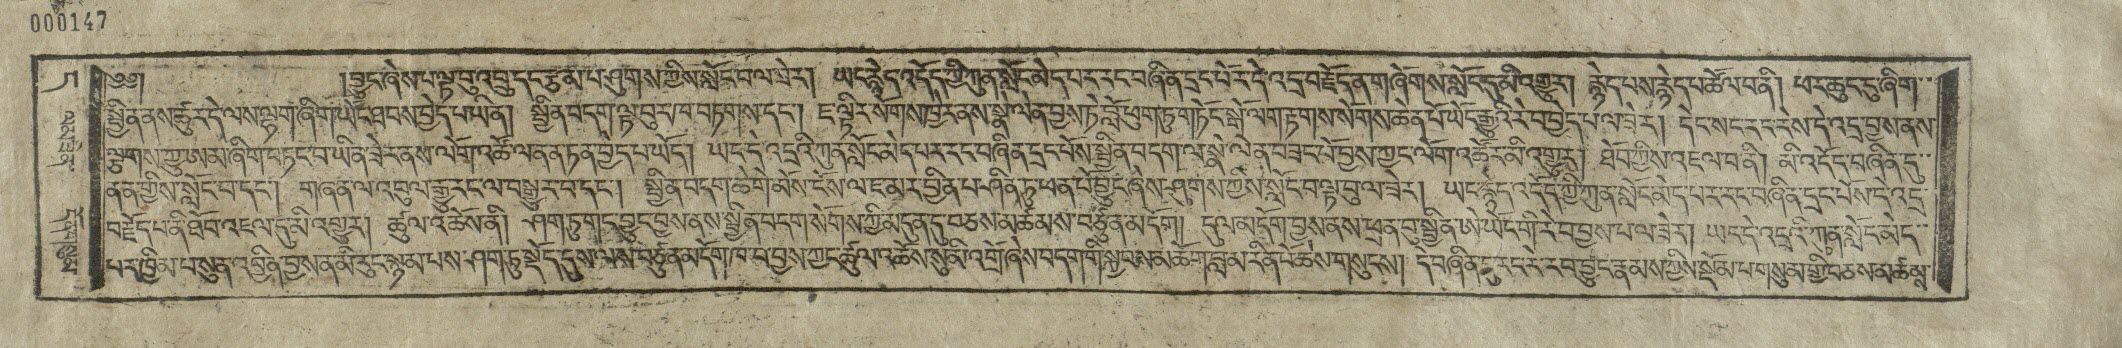༄༅། །བྱུང་ཞེས་པ་ལྟ་བུ་འབྲུ་དང་རྩམ་པ་ཤུགས་ཀྱིས་སློང་བ་ལ་ཟེར། ཡང་རྙེད་འདོད་ཀྱི་ཀུན་སློང་མེད་པར་རང་བཞིན་དྲང་པོར་དེ་འདྲ་བརྗོད་ན་གཞོགས་སློང་དུ་མི་འགྱུར། རྙེད་པས་རྙེད་པ་ཚོལ་བ་ནི། ཕར་ཆུང་དུ་ཞིག་
སྦྱིན་ནས་ཚུར་དེ་ལས་ལྷག་ཞིག་ཡོང་ཐབས་བྱེད་པ་ཡིན། སྦྱིན་བདག་ལྟ་བུར་ཁ་བཏགས་དང་། ཇ་ལྟིར་སོགས་ཁྱེར་ནས་སྣེ་ལེན་བྱས་ཏེ་བློ་ཕུག་ཏུ་གཏོང་སྒོ་ལག་རྟགས་སོགས་ཆེན་པོ་ཡོང་རྒྱུའི་རེ་བ་བྱེད་པ་ལ་ཟེར། དེང་སང་རང་རེས་དེ་འདྲ་བྱས་ནས་
ལྕགས་ཀྱུ་ཨམ་ཞིག་བཏང་བ་ཡིན་ཟེར་ནས་ལོག་འཚོལ་ནན་ཏན་བྱེད་པ་ཡོད། ཡང་དེ་འདྲའི་ཀུན་སློང་མེད་པར་རང་བཞིན་དྲང་པོས་སྦྱིན་བདག་ལ་སྣེ་ལེན་བཟང་པོ་བྱས་ཀྱང་ལོག་འཚོར་མི་འགྱུར། ཐོབ་ཀྱིས་འཇལ་བ་ནི། མི་འདོད་བཞིན་དུ་
ནན་གྱིས་སློང་བ་དང་། གཞན་ལ་འབུལ་རྒྱུ་རང་ལ་བསྒྱུར་བ་དང་། སྦྱིན་བདག་ཆེ་གེ་མོས་ངོས་ལ་ཇ་མར་བྱིན་པ་ཤིནན་ཏུ་ཕན་པོ་བྱུང་ཞེས་ཤུགས་ཀྱིས་སློང་བ་ལྟ་བུ་ལ་ཟེར། ཡང་རྙེད་འདོད་ཀྱི་ཀུན་སློང་མེད་པར་རང་བཞིན་དྲང་པོས་དེ་འདྲ་
བརྗོད་པ་ནི་ཐོབ་འཇལ་དུ་མི་འགྱུར། ཚུལ་འཆོས་ནི། ཤག་ཏུ་གང་བྱུང་བྱས་ནས་སྦྱིན་བདག་སོགས་ཀྱི་མདུན་དུ་བཅས་མཚམས་བཙུན་མདོག་དུལ་མདོག་བྱས་ནས་ཕྲན་བུ་སྦྱིན་ཨེ་ཡོང་གི་རེ་བ་བྱས་པ་ལ་ཟེར། ཡང་དེ་འདྲའི་ཀུན་སློང་མེད་
པར་ཁྱིམ་པ་སུན་འབྱིན་བྱས་ན་མི་རུང་སྙམ་པས་ཤག་ཏུ་སྡོད་དུས་ལས་བཙུན་མདོག་ཁ་བ་བྱས་ཀྱང་ཚུལ་འཆོས་སུ་མི་འགྲོ་ཞེས་བདག་གི་སྐྱབས་མཆོག་བླ་མ་རིན་པོ་ཆེས་གསུངས། དེ་བཞིན་དུ་རང་རེ་རབ་བྱུང་རྣམས་ཀྱིས་སྡོམ་པ་གསུམ་གྱི་བཅས་མཚམས་